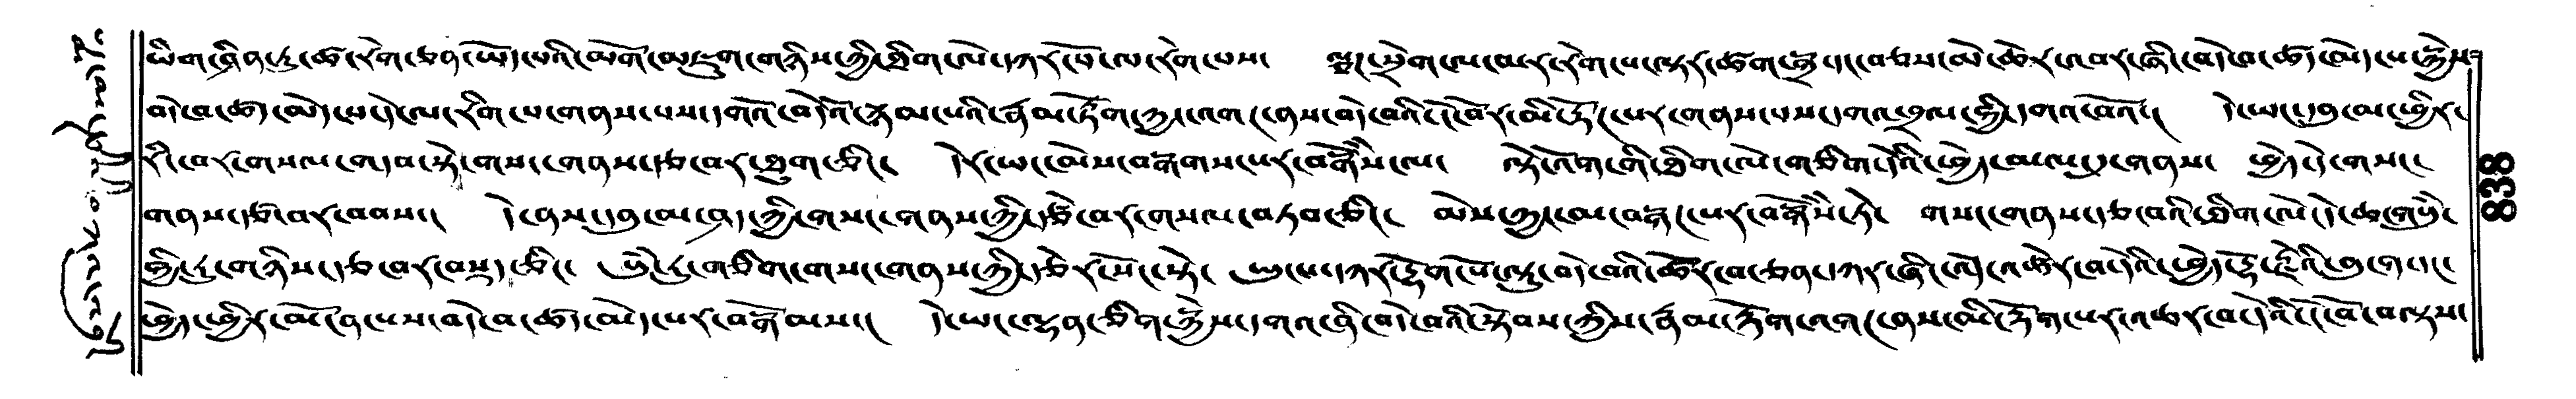ཡིག་ཤིན་ཏུ་ཚ་རེག་ཅན་ཡོད་པའི་མགོ་མཇུག་གཉིས་ཀྱི་ཐིག་ལེ་དཀར་པོ་ལ་རེག་པས། ལྕགས་སྲེག་ལ་མར་རེག་པ་ལྟར་ཚག་སྒྲ་དང་བཅས་མེ་ཆེར་འབར་ཞིང་བདེ་བ་ཚད་མེད་པ་སྐྱེས། 
བདེ་བ་ཚད་མེད་པ་དེ་ལ་རིག་པ་གནས་པས་དགའོ་བདེའོ་སྙམ་པའི་རྣམ་རྟོག་ཀྱང་འགགས་ནས་བདེ་བའི་ངོ་བོར་མི་རྟོག་པར་གནས་པས་དགའ་བྲལ་གྱི་དགའ་བའོ། དེ་ཡང་དབུ་མ་ཕྱིར་
རིང་བར་གསལ་གདབ་སྟེ་གསང་གནས་རྩ་བར་ཐུག་ཅིང་། དེར་ཡང་མེས་བསྒགས་པར་བསྒོམ་ལ། ལྟེ་འོག་གི་ཐིག་ལེ་གཅིག་དེ་ཕྱེད་མལ་དུ་གནས། ཕྱེད་དེ་གསང་
གནས་རྩ་བར་བབས། དེ་ནས་དབུ་མ་ཤད་ཀྱི་གསང་གནས་ཀྱི་རྩེའི་བར་གསལ་བཏབ་ཅིང་། མེས་ཀྱང་མ་བསྒགས་པར་བསྒོམ་སྟེ། གསང་གནས་རྩ་བའི་ཐིག་ལེ་དེ་ཆ་གསུམ་
གྱི་རུ་གཉིས་རྩ་བར་བསྡད་ཅིང་། གསུམ་རུ་གཅིག་གསང་གནས་ཀྱི་རྩེར་སོང་སྟེ། ཡུངས་དཀར་རྡོག་པོ་ལྟ་བུ་བདེ་བའི་ཚོར་བ་ཅན་དཀར་ཞིང་འོད་འཚེར་བ་དེའི་ཕྱེད་རྡོ་རྗེའི་བུ་ག་དང་
ཕྱེད་ཕྱིར་མངོན་པས་བདེ་བ་ཚད་མེད་པར་བསྒོམ། དེ་ཡང་ལྷན་ཅིག་སྐྱེས་དགའ་ནི་བདེ་བའི་སྟོབས་ཀྱིས་རྣམ་རྟོག་འགགས་ནས་མི་རྟོག་པར་འཆར་བ་དེའི་ངོ་བོ་བལྟས་